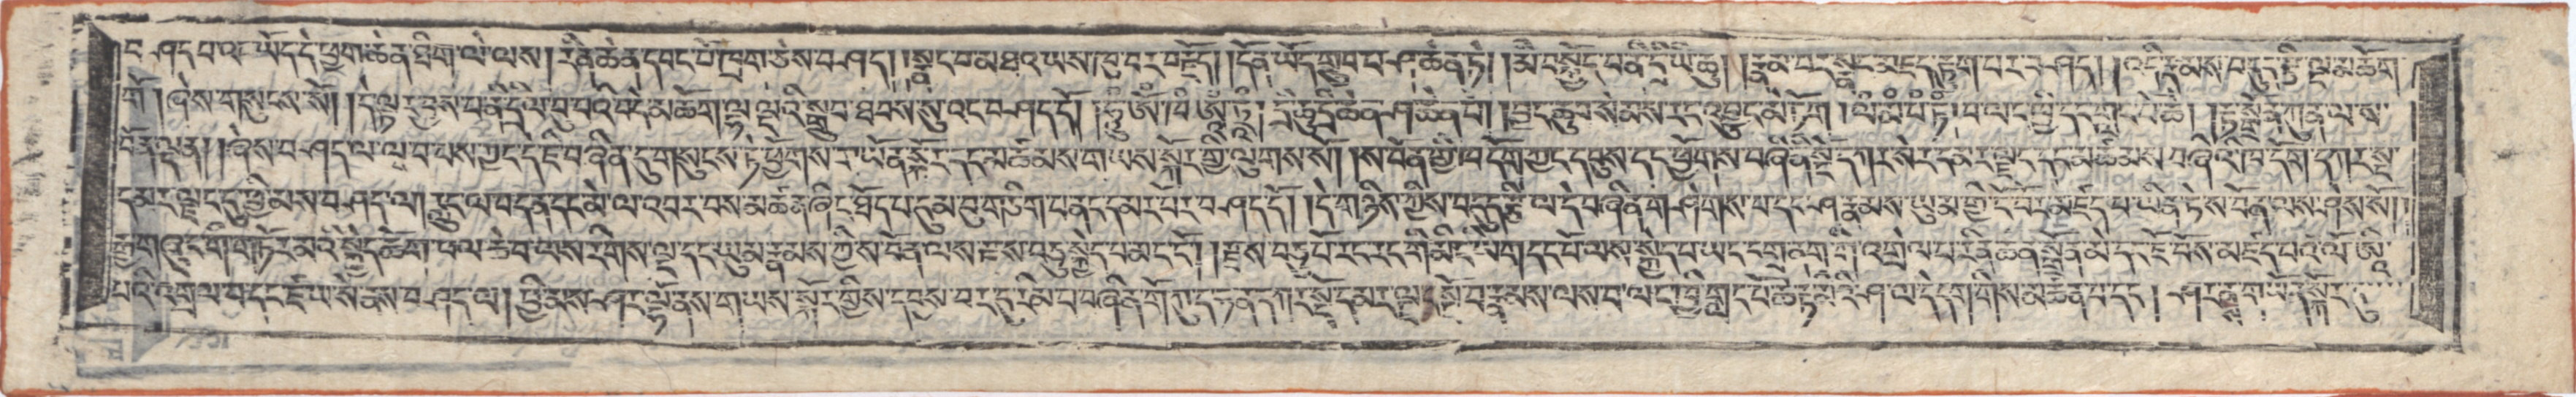བཤད་པ་འང་ཡོད་དེ་ཕྱག་ཆེན་ཐིག་ལེ་ལས། རིན་ཆེན་དབང་པོ་ཁྲག་ཅེས་བཤད། །སྣང་བ་མཐའ་ཡས་ཁུ་བར་བརྗོད། །དོན་ཡོད་གྲུབ་པ་ཤ་ཆེན་ཏེ། །མི་བསྐྱོད་པ་ནི་དྲི་ཡི་ཆུ། །རྣམ་པར་སྣང་མཛད་རྟུག་པར་བཤད། །འདི་རྣམས་བདུད་རྩི་ལྔ་མཆོག་
གོ །ཞེས་གསུངས་སོ། །དེ་ལྟར་བྱས་པ་ནི་དྲིལ་བུ་པའི་བདེ་མཆོག་ལྷ་ལྔའི་སྒྲུབ་ཐབས་སུ་འང་བཤད་དོ། །ཧཱུཾ་ཨོཾ་ཁཾ་ཨཱཾ་ཏྲཱཾ། དྲི་ཆུ་དྲི་ཆེན་ཤ་ཆེན་པོ། །བྱང་ཆུབ་སེམས་རང་འབྱུང་མེ་ཏོག །ལཾ་མཾ་པཾ་ཏཾ། བ་ལང་ཁྱི་དང་གླང་པོ་ཆེ། །རྟ་སྒྲོན་ཀུན་ལ་ས་
བོན་ལྡན། །ཞེས་བཤད་ལ་ལྭ་བ་པས་ཀྱང་དེ་ཇི་བཞིན་དུ་གསུངས་ཏེ་ཕྱོགས་གཡོན་སྐོར་དང་མཚམས་གཡས་སྐོར་གྱི་ལུགས་སོ། །ས་བོན་གྱི་ཁ་དོག་ཀྱང་དབུས་དང་ཕྱོགས་བཞི་ནི་སྔོ་དཀར་སེར་དམར་ལྗང་དང་མཚམས་བཞིའི་ཁ་དོག་དཀར་སྔ་
དམར་ལྗང་དུ་ཕྱི་མས་བཤད་ལ། རླུང་ལ་བ་དན་དང་མེ་ལ་འབར་བས་མཚན་ཞིང་ཐོད་པ་དུམ་བུ་གཅིག་པ་ནང་དམར་པོར་བཤད་དོ། །དེ་གཉིས་ཀྱིས་བདུད་རྩི་ལ་དེ་བཞིན་གཤེགས་པ་དང་ཤ་རྣམས་ཡུམ་གྱི་ངོ་བོར་མཛད་པ་ཡིན་ཏེ་ས་བོན་ལས་ཤེས་སོ།།
རྒྱ་གཞུང་གི་གཏོར་མའི་སྐྱེད་ཆོག་ཕལ་ཆེ་བ་ལས་རིགས་ལྔ་དང་ཡུམ་རྣམས་ཀྱི་ས་བོན་ལས་རྫས་བཅུ་སྐྱེད་པ་མང་ངོ། །རྫས་བཅུ་པོ་རང་རང་གི་མིང་ཡིག་དང་པོ་ལས་སྐྱེད་པ་ཡང་དགྲ་ནག་གི་འགྲེལ་པ་རིན་ཆེན་སྒྲོན་མེ་དང་ཇོ་བོས་མཛད་པའི་ལོ་ཨཱི་
པའི་འགྲེལ་བ་དང་ཛ་ཡ་སེ་ནས་བཤད་ལ། ཕྱི་མས་ཤར་ལྷོ་ནས་གཡས་སྐོར་གྱིས་དབུས་བར་དུ་རིམ་པ་བཞིན་གོ་ཀུ་ད་ཧ་ན་དཀར་སྔོ་དམར་ལྗང་སྔོ་བ་རྣམས་ལས་བ་ལང་ཁྱི་གླང་པོ་ཆེ་རྟ་མིའི་ཤ་ལ་དེ་དག་གིས་མཚན་པ་དང་། ཤར་ནས་གཡོན་སྐོར་དུ་